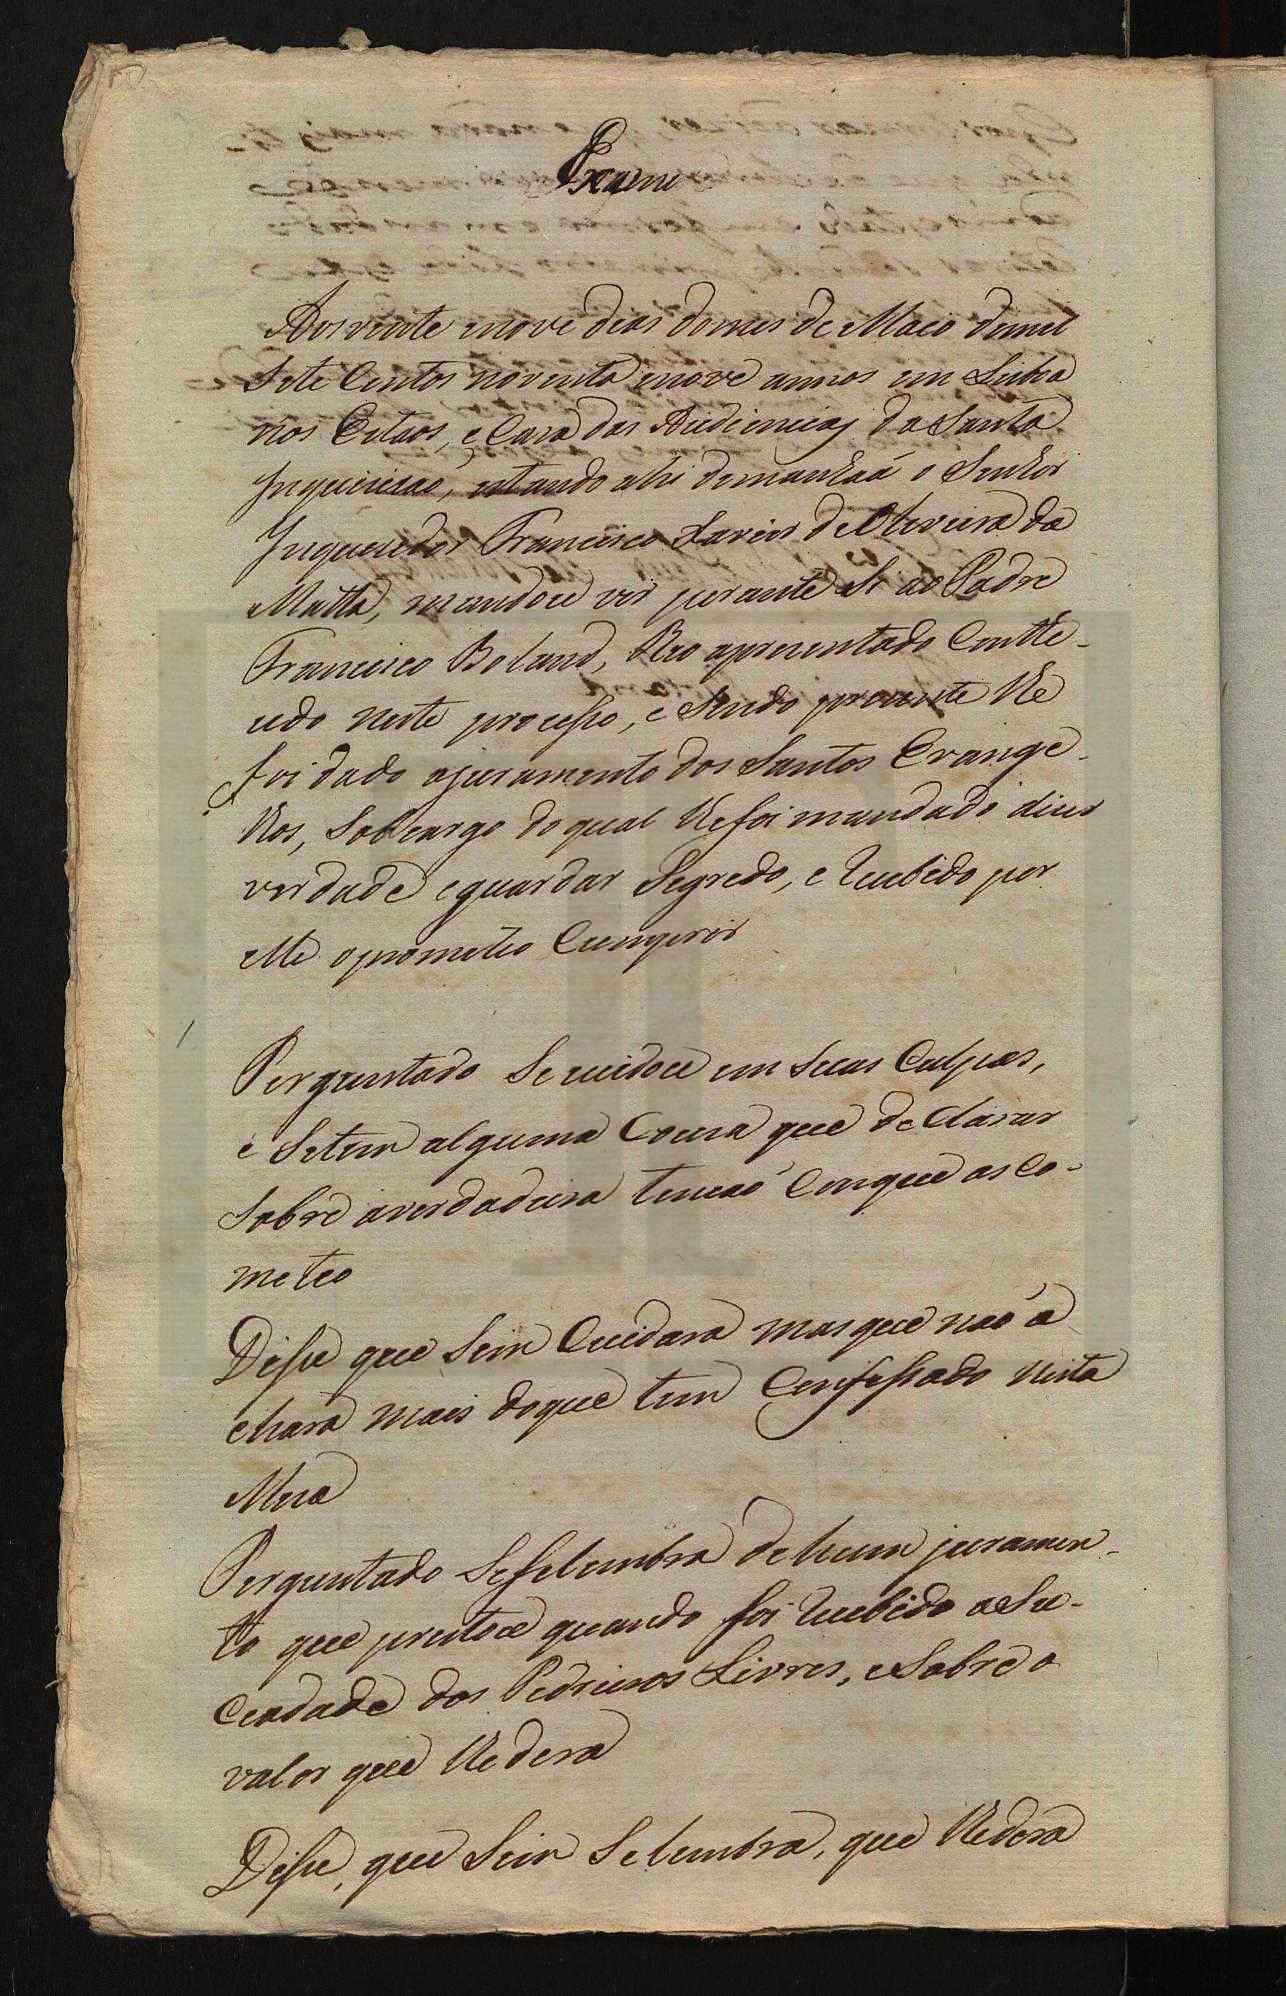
Exame
Aos vinte e nove dias do mes de Maio de mil
seteCentos noventa e nove annos em Lisboa
nos Estaos, e Caza das Audiencias da Santa
Jnquiziçaõ, estando ahi de manhaã o Senhor
Jnquisidor Francisco Xavier de Oliveira da
Matta, mandou vir perante si ao Padre
Francisco Boland, Reo aprezentado Conthe
udo neste processo, e sendo prezente lhe
foi dado o juramento dos Santos Evange
lhos Sob cargo do qual lhe foi mandado dizer
verdade e guardar Segredo, e Recebido por
elle o prometeo cumprir
Perguntado Se cuidou em suas Culpas,
e Se tem alguma Couza que declarar
sobre a verdadeira tençaõ em que as co
meteo
Disse que sim cuidara, mas que naõ a
chara mais do que tem confessado nesta
Meza
Perguntado Se se lembra de hum juramen
to que prestou quando foi Recebido a Su
ceadade dos Pedreiros Livres, e Sobre o
valor que lhe dera
Disse, que Sim Se lembra, que lhe dera
